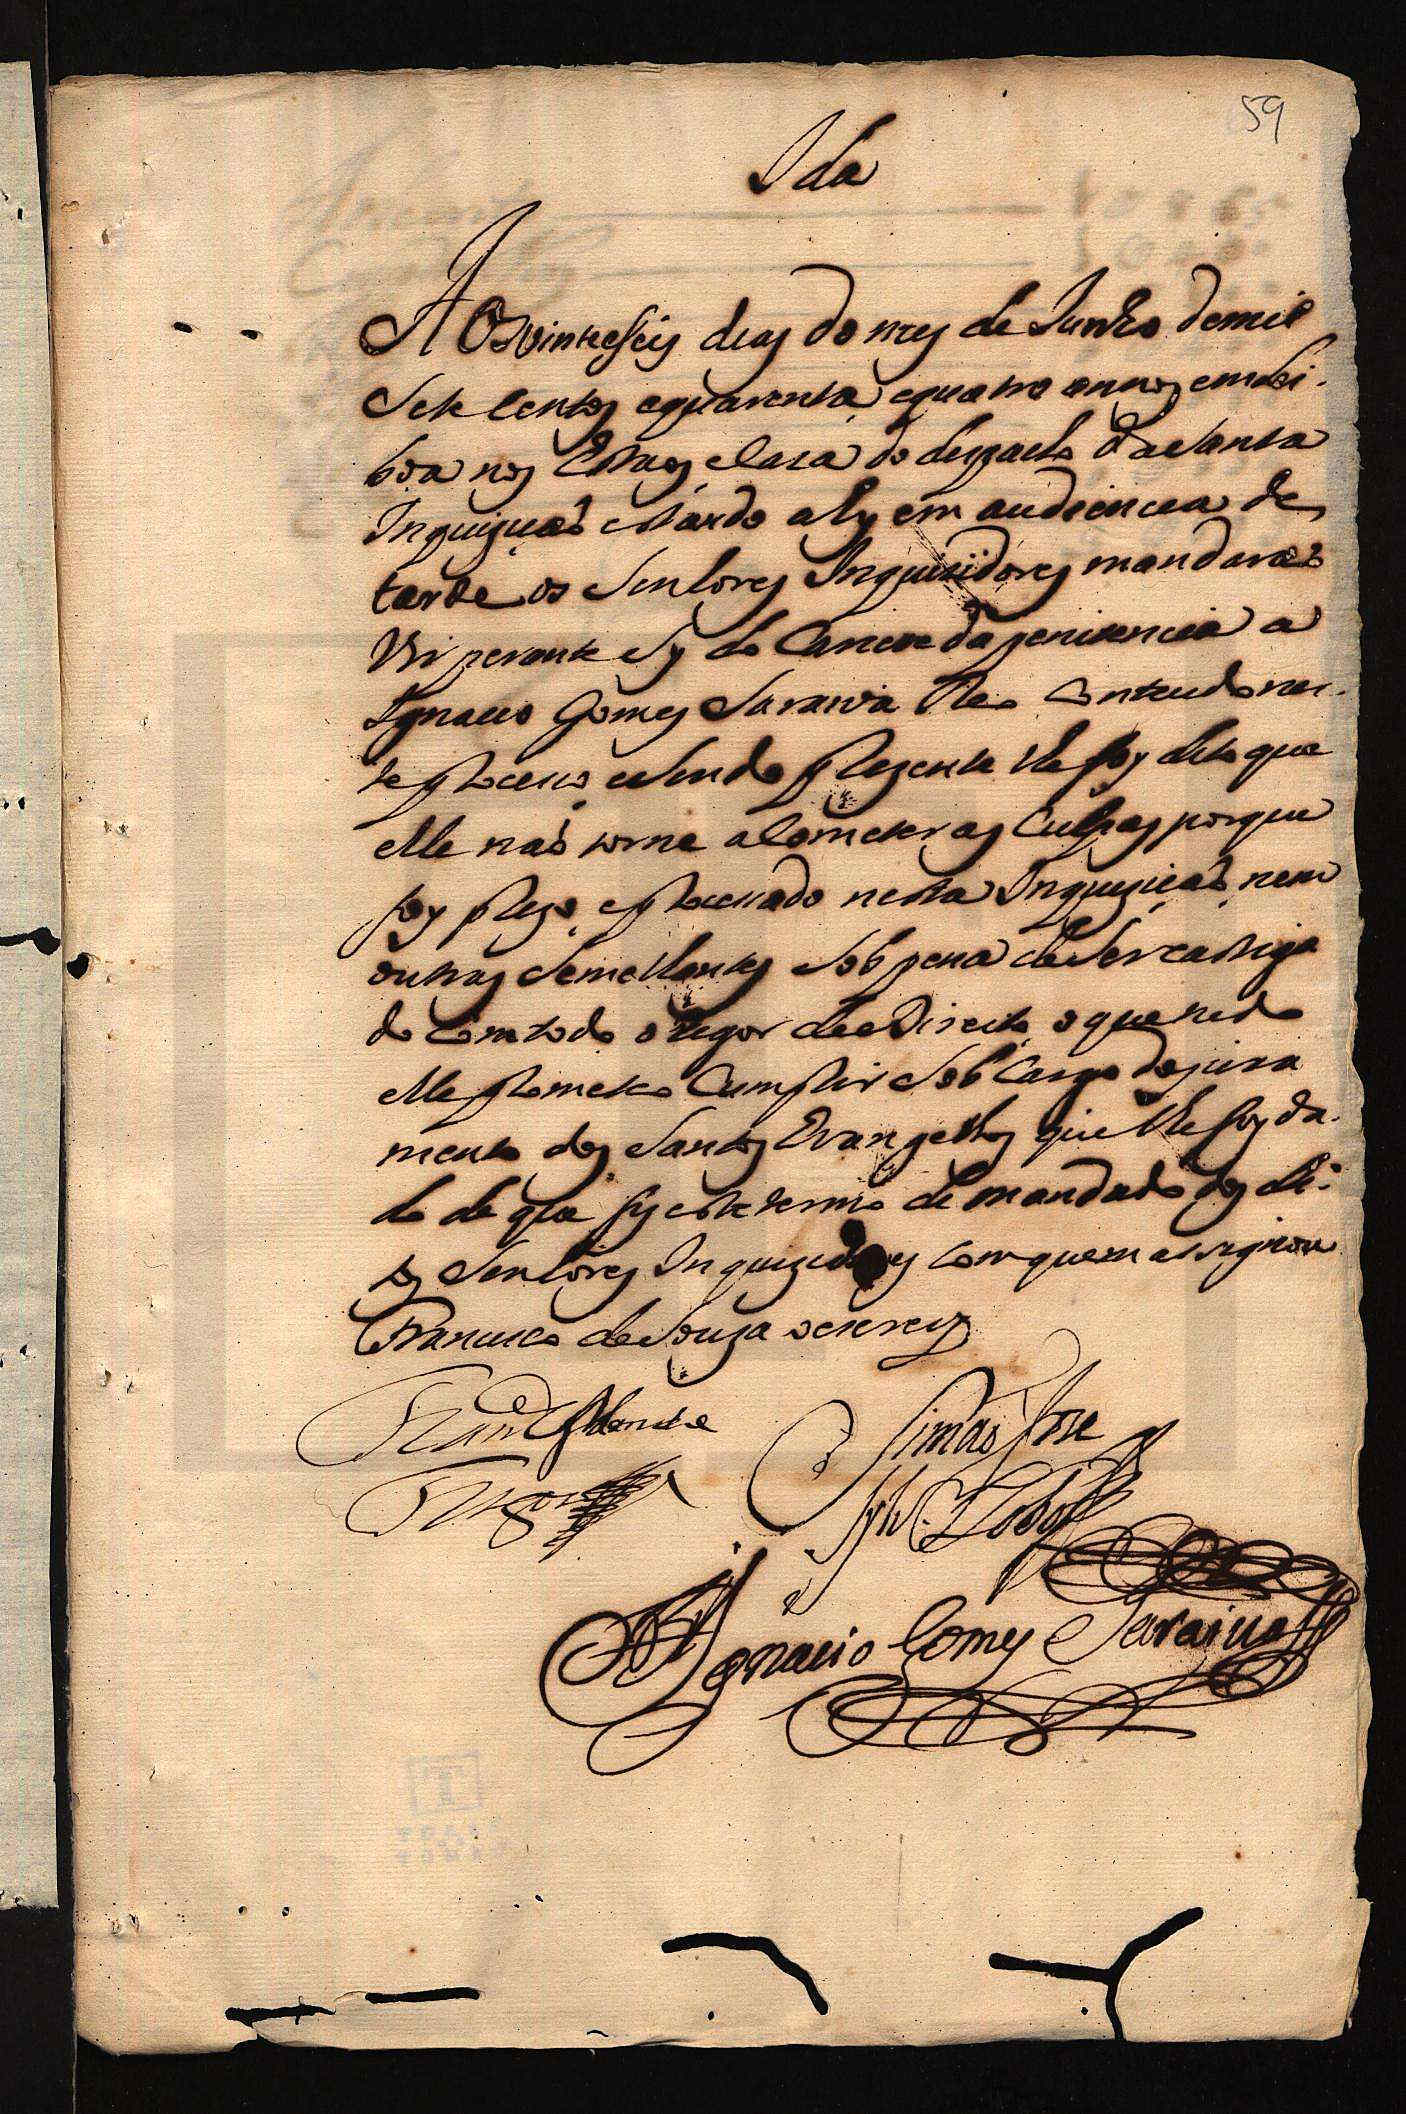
Ida
Aos vinte seis dias do mes de Iunho de mil
setecentos e quarenta, e quatro annos em Lis
boa nos Estaos, e Caza do despacho da Santa
Inquiziçaõ estando ahy em audiencia de
tarde os Senhores Inquizidores mandaraõ
Vir perante sy do Carcere da penitencia a
Ignacio Gomes Saraiva Reo conteudo nes
te pRocesso, e sendo pRezente lhe foy dito que
elle naõ torne a Cometer as Culpas porque
foy pRezo, e pRocessado nesta Inquiziçaõ, nem
outras semelhantes sob pena de ser castiga
do com todo o Rigor de Direito, o que tudo
elle pRometeo cumpRir Sob cargo do jura
mento dos Santos Evangelhos que lhe foy da
do de que fis este termo de mandado dos di
tos Senhores Inquizid_es com quem assignou
Francisco de Souza o escrevj
Franco Mendo
Simaõ Joze
sylv.ro Lobo
Trigozo
Jgnacio Gomes Saraiua
